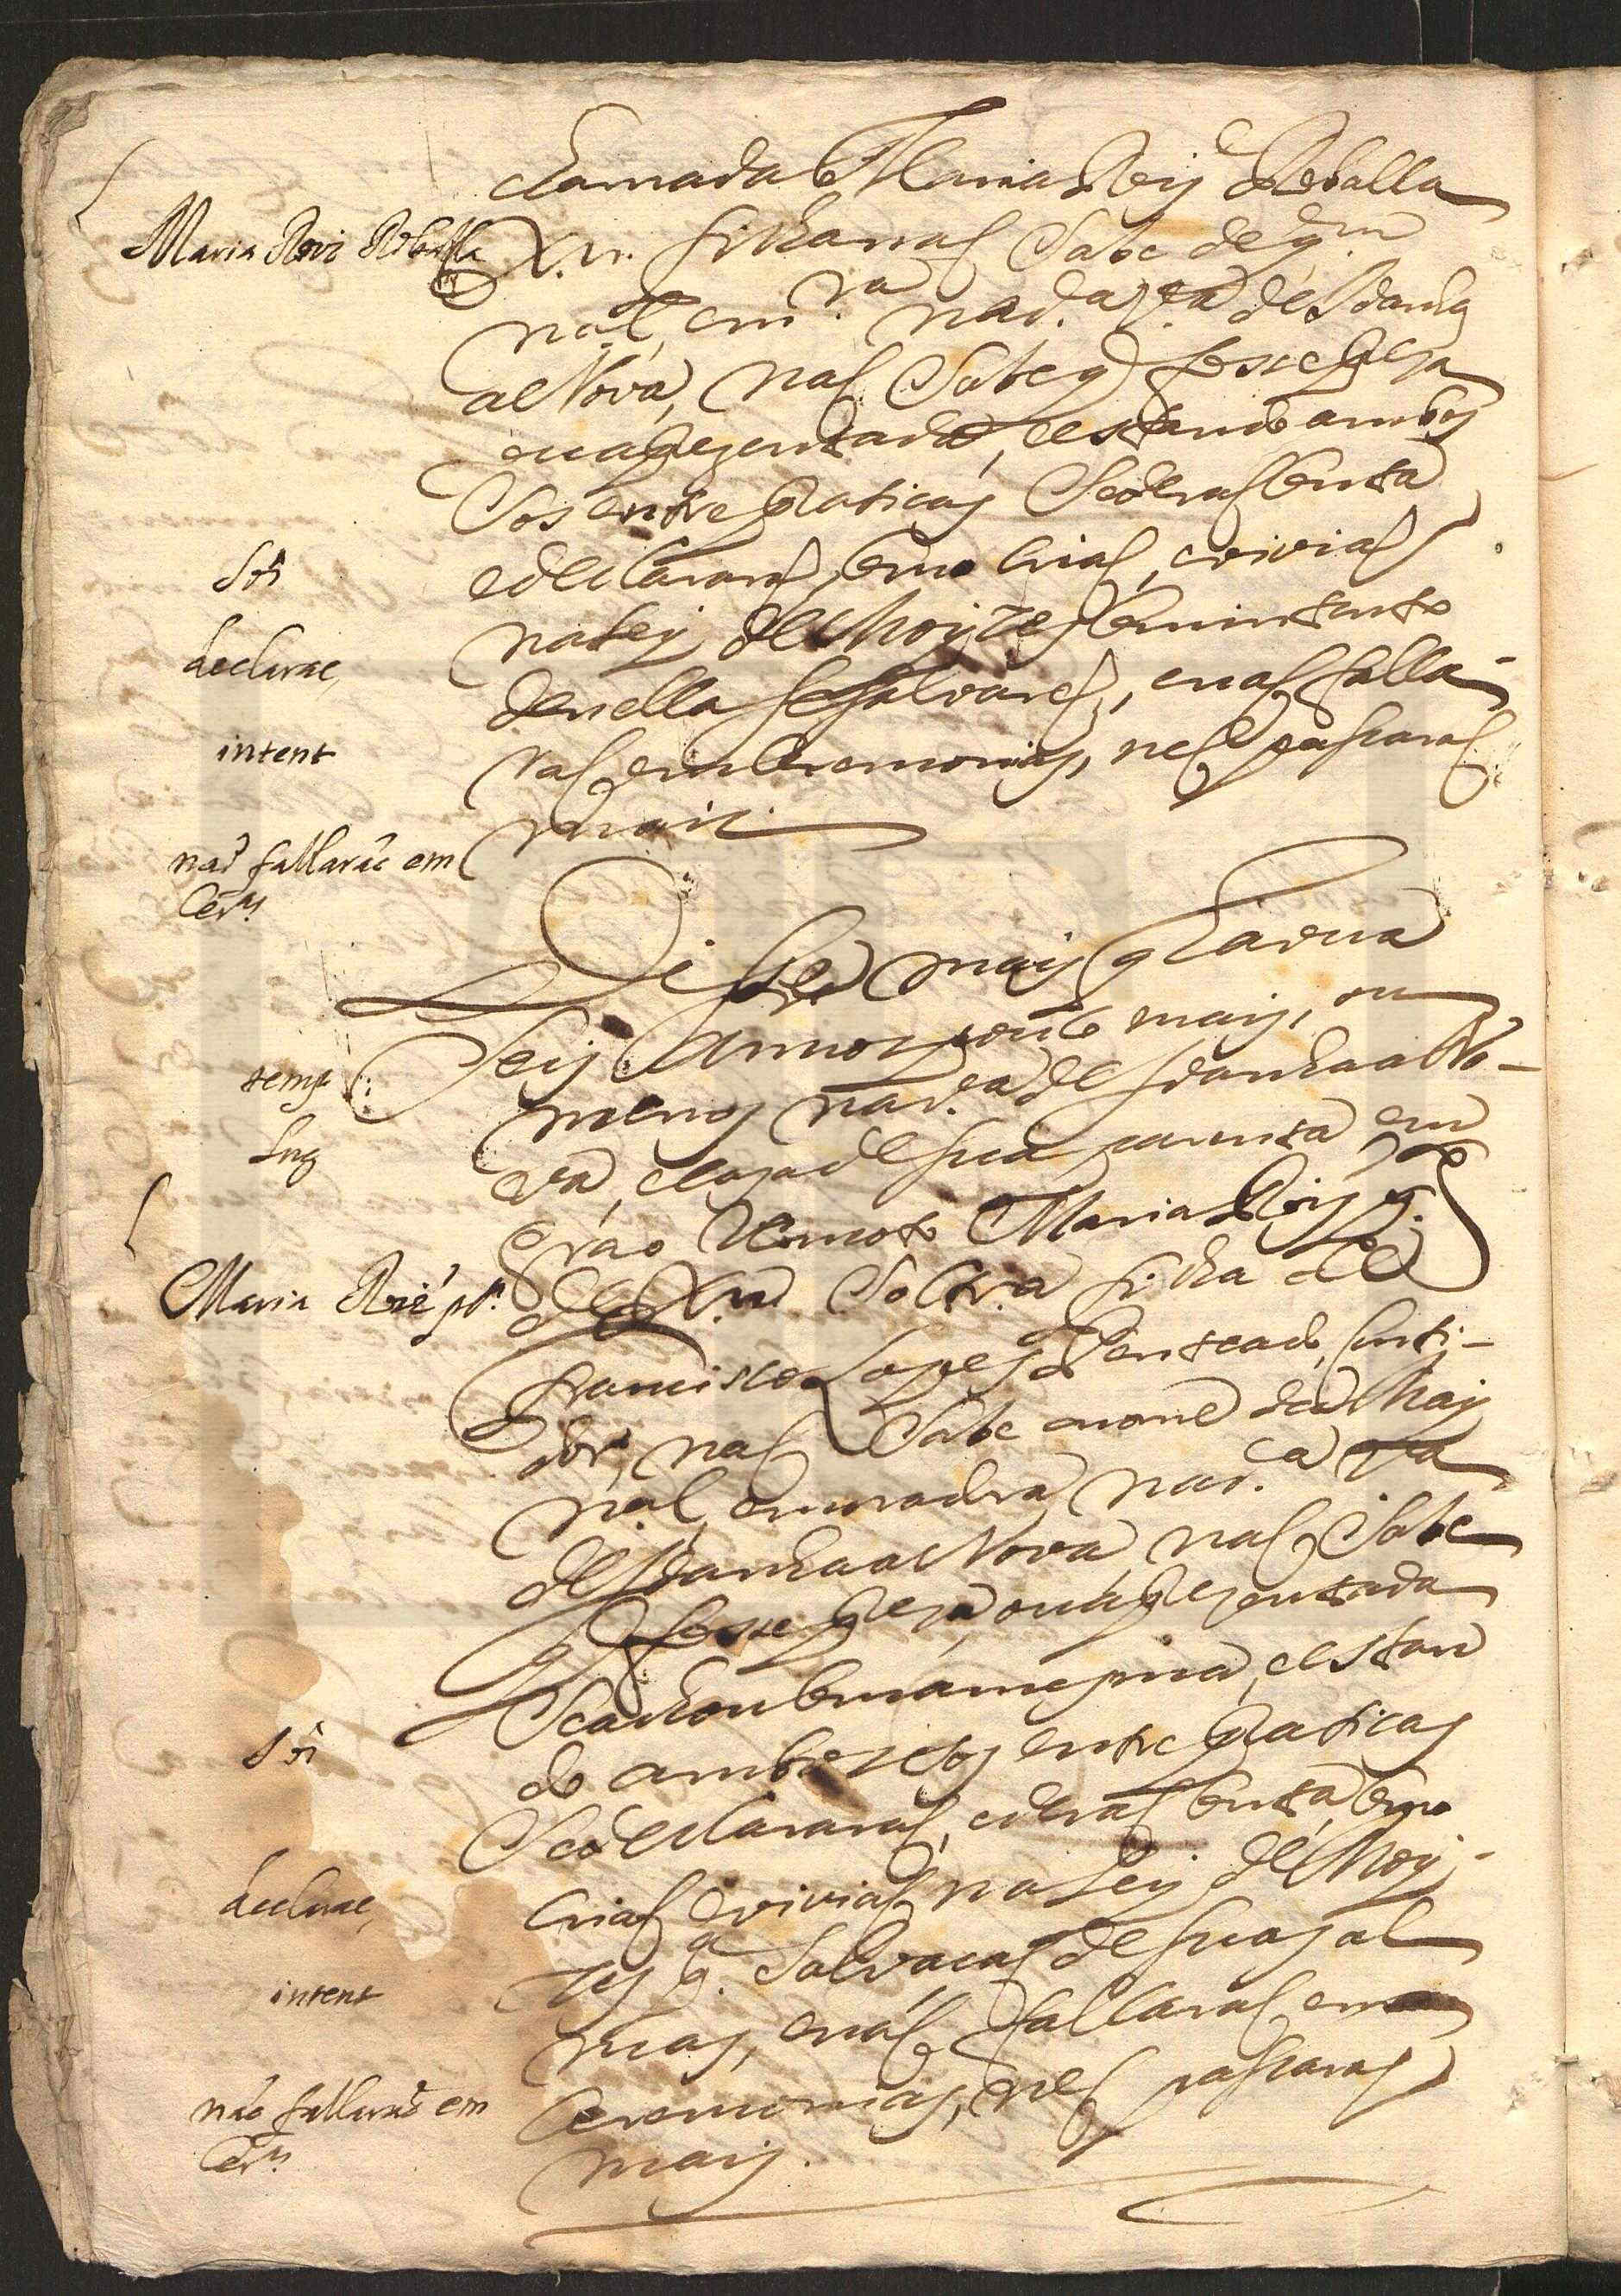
chamada Maria Rois̄ Roballa
x. n. filha naõ Sabe de q.m
Maria Roiz Roballa
nal, e m.ra na d.a V.a de Idanha
a Nova, naꝭ Sabe q̄ fosse pReza
ou apRezentada, e estando ambos
Sos entre pRaticas Se deraꝭ Conta
e declararaꝭ Como criaꝭ, e viviaõ
Sós
na ley de Moyzes Com intento
declaraç
de nella se salvareꝭ, e naꝭ falla
raꝭ em ceremonias, neꝭ passaraꝭ
intent
mais
naõ fallarão em
Cer.as
Disse mais q̄ havera
Seis annos pouco mais, ou
menos na v.a de Jdanha a No
temp
va, e caza de sua parenta em
Lug
gráo Remoto Maria Rois̄ p.te
de X. n Soltr.a filha de
Maria Roiz̄ p.te
Francisco Lopes Penteado, Curti
dor, naꝭ Sabe o nome da May
n.al, e moradora na d.a v.a
de Jdanha a Nova, naꝭ sabe
q̄ fosse pReza, ou apRezentada
Se achou com a mesma, e estan
do ambos sós entre pRaticas
sós
Se declararaꝭ, e deraꝭ Conta, Como
criaꝭ e viviaꝭ na Ley de Moy
declaraç
zes p.a salvaçaꝭ de suas al
intent
mas, e naꝭ fallaraꝭ em_
Ceremonias, neꝭ passaraꝭ
naõ fallaraõ em
Cer.as
mais
